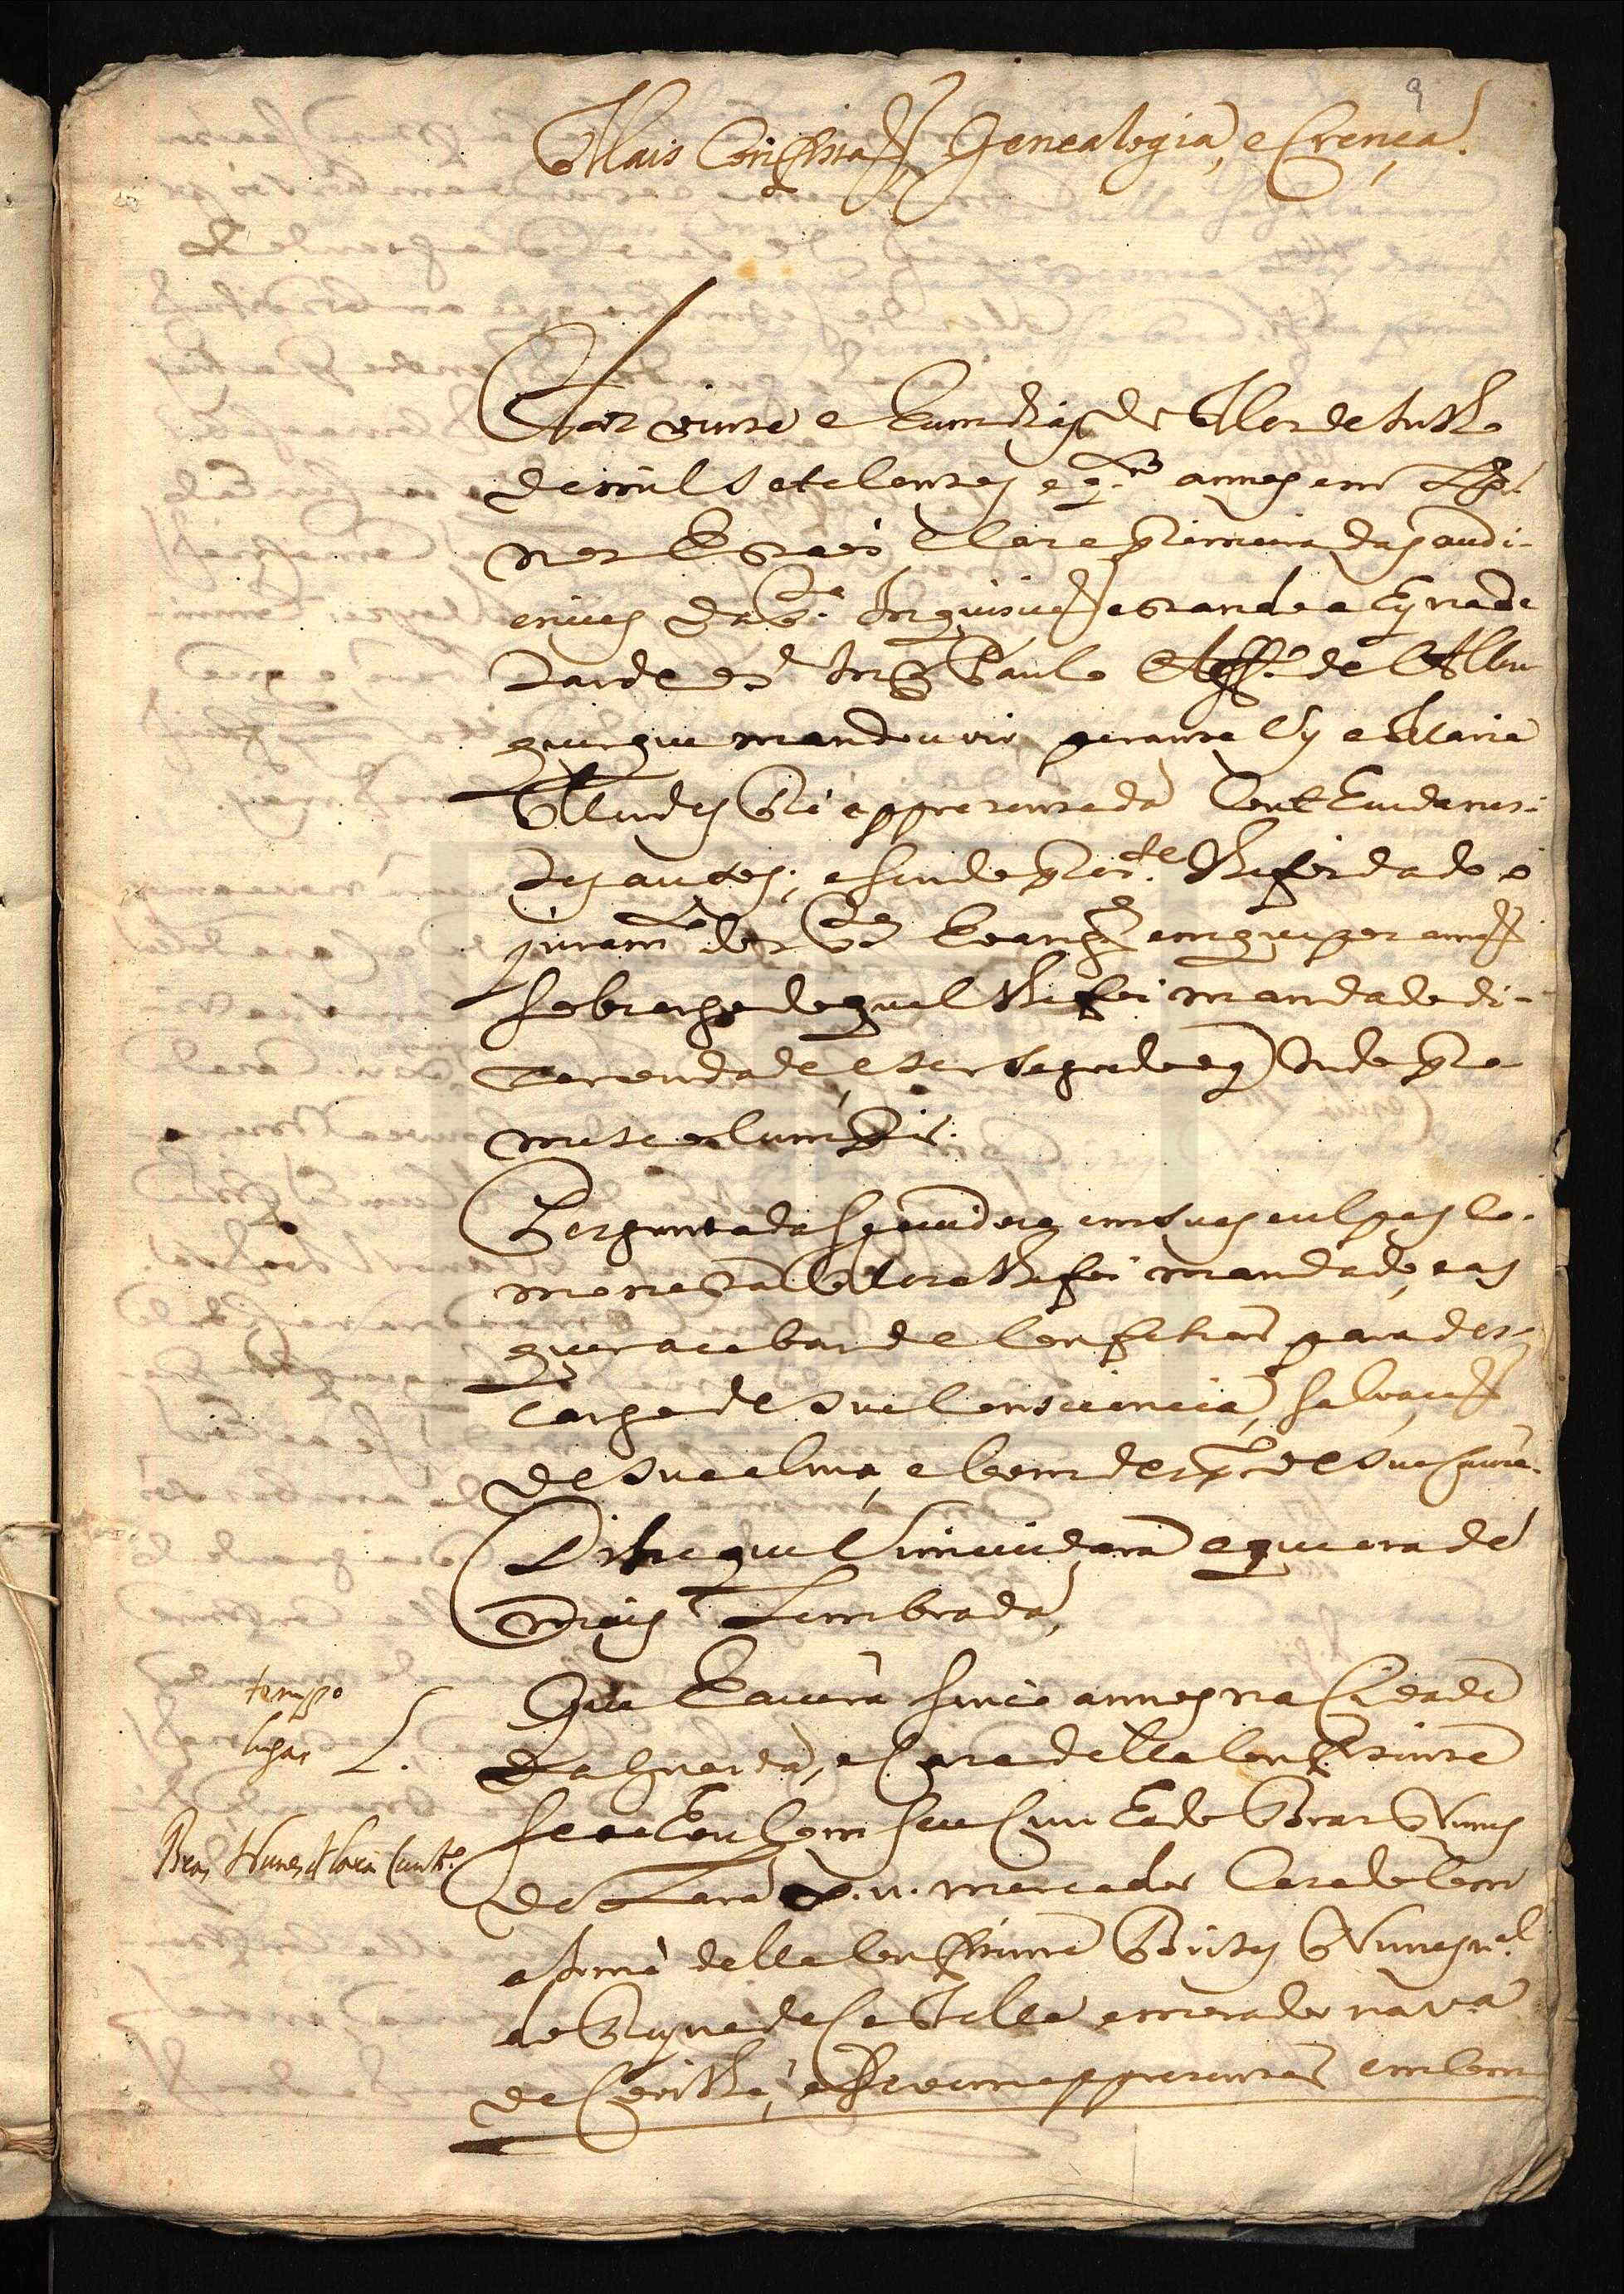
Mais Confissaõ Genealogia, e Crença.
Aos vinte e hum dias do Mez de Iulho
de mil seteCentos e q.tro annos em Lx.a
nos Estaos e Caza primeira das audi
encias da s.ta Inquisiçaõ estando ahy na de
tarde o sr Inqr Paulo Aff.o de Albu
querque mandou vir perante Sy a Maria
Mendes Ré apprezentada Contheuda nes
tes autos; e sendo prez.te lhe foi dado o
juramto dos stos Evangos em que poz a maõ
sob cargo do qual lhe foi mandado di
zer verdade, e ter segredo o q̄ tudo pro
meteo cumprir.
Perguntada se cuidara em suas culpas co
mo nesta Meza lhe foi mandado, e as
quer acabar de Confessar para des
cargo de sua consciencia, salvaçaõ
de sua alma e bom despo de sua Cauza?
Disse que Sim cuidara e que era de
mais Lembrada,
tempo
Que hauerá sinco annos na Cidade
lugar
L.
da Guarda, e Caza della Confitente
se achou Com seu Cunhado Braz Nunes
Bras Nunes de lara Cunh.o
de Lara x. n. mercador Cazado Com
a Irmā della Confitente Brites Nunes n.al
do Reyno de Castella e morador na v.a
de Covilhã, e se vem apprezentar em Com
